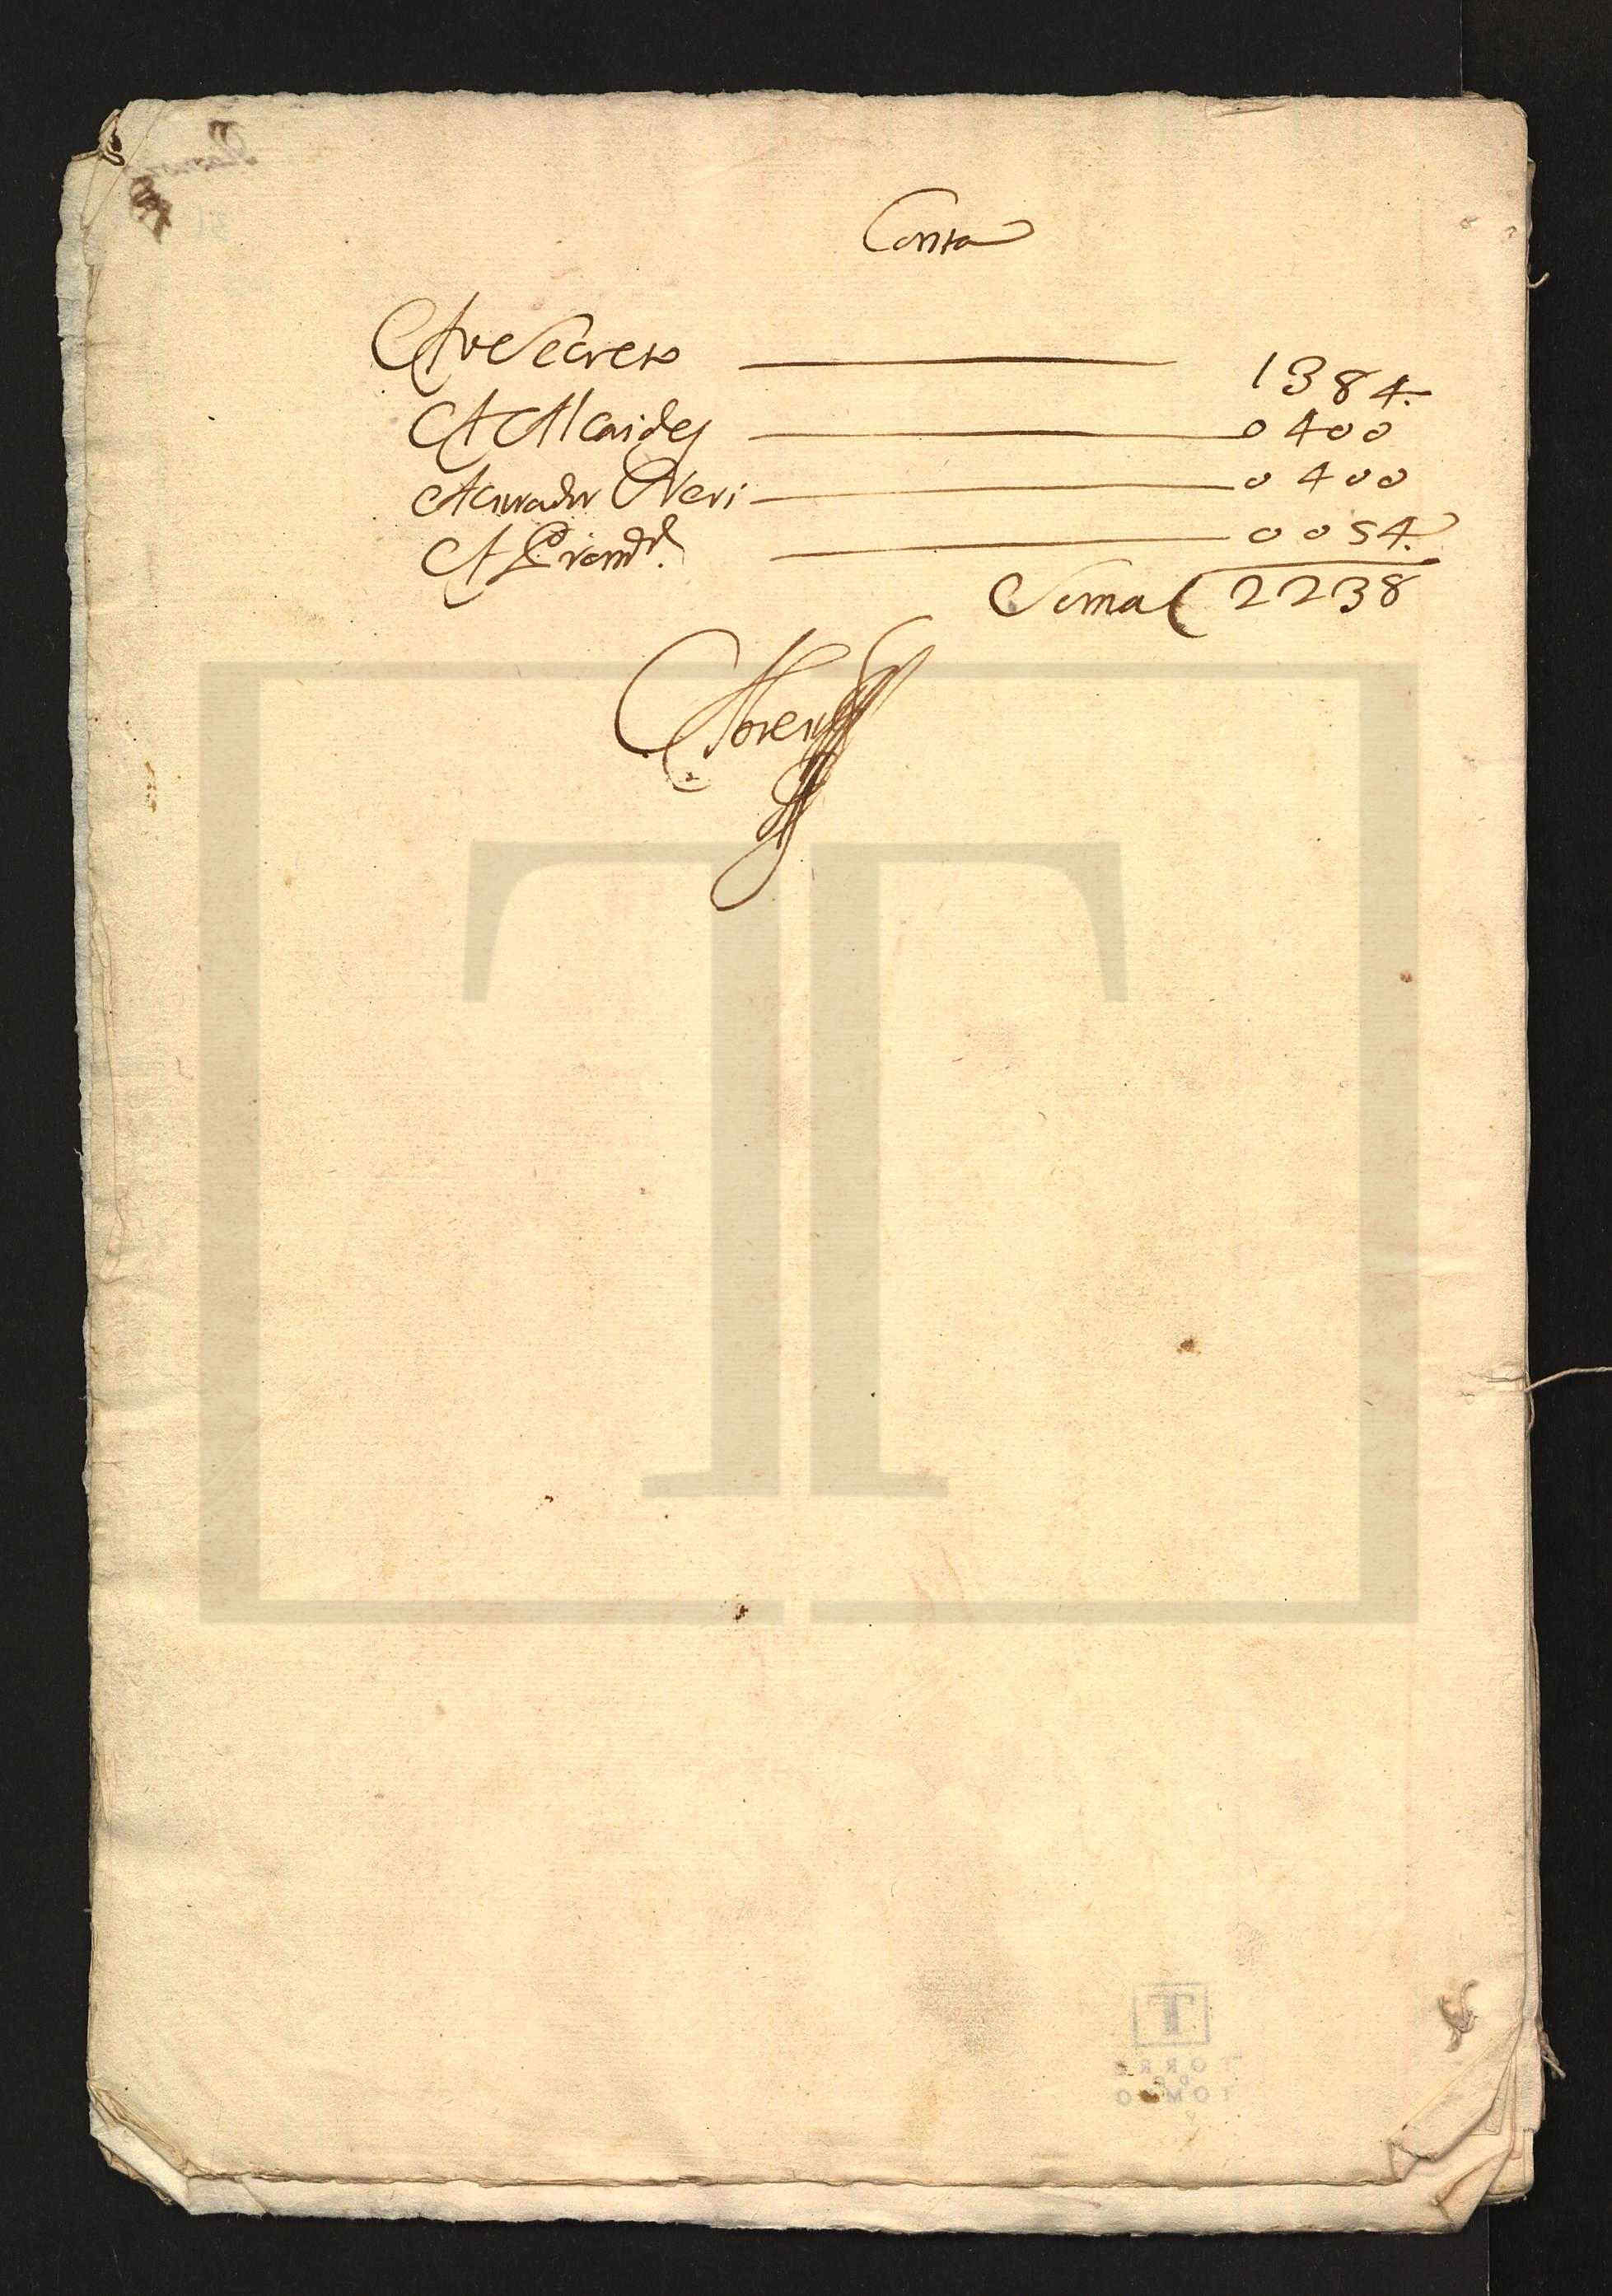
Conta
Ao Secreto
1384.
0400
A Alcaides
0400
A curador Neri
0054.
A Promor.
Soma 2238
Abreu
